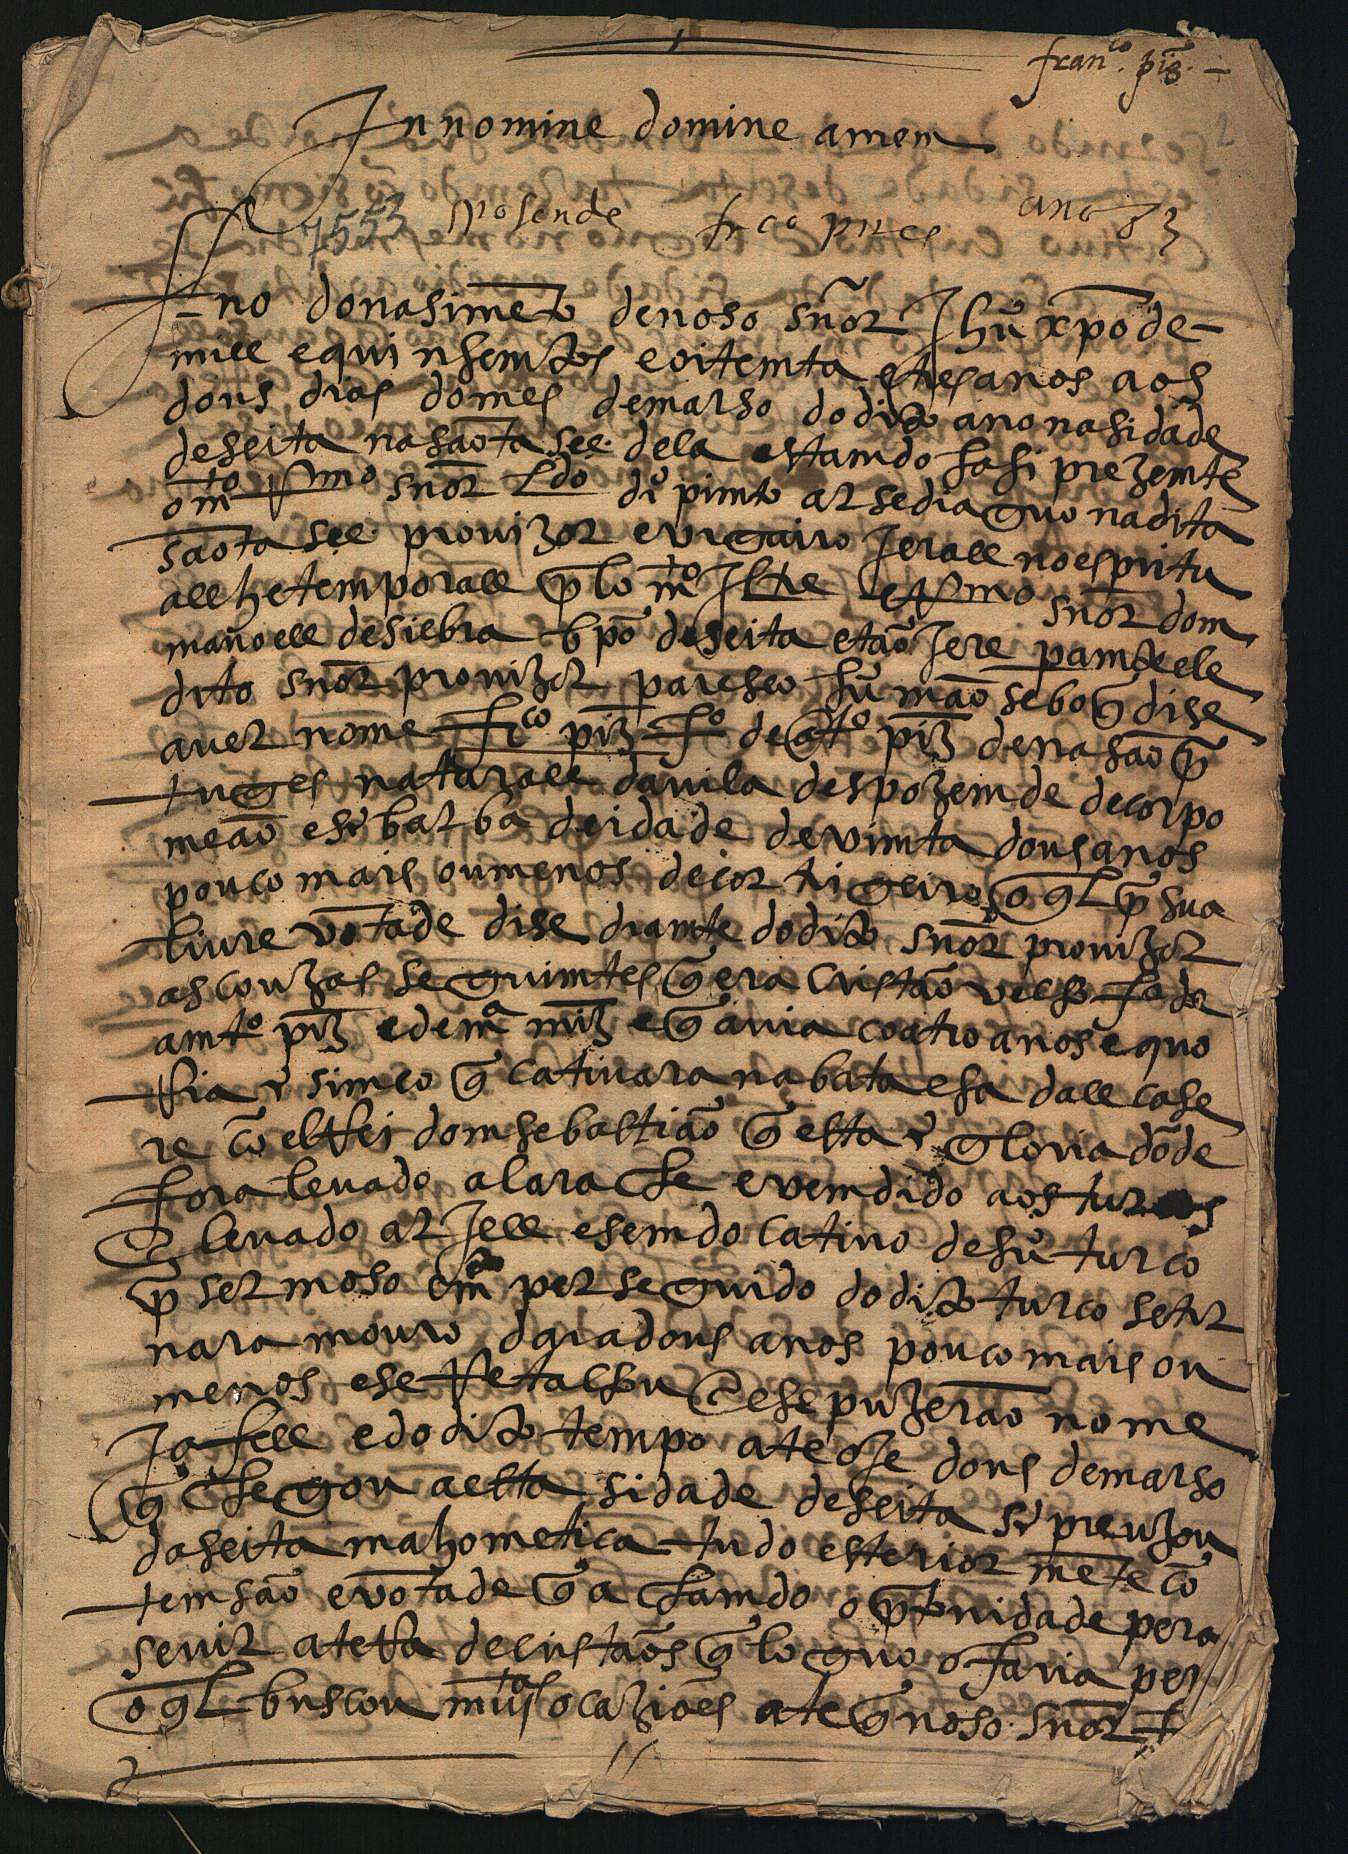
fran.co pīz
Jn nomine domine amem
ano 83
sposende
frco pires
Ano do nasimēto de noso snōr Jhū xp̄o de
mill e quinhemtos e oitemta e tres anos aos
dous dias do mes de marso do dito ano na sidade
de seita na sãota see dela estamdo hahi prezemte
o mto Rmo snōr Ldo dio pimto arsediaguo na dita
sãota see prouizor e vigairo Jerall no esꝑritu
all he temporall p̄lo mto JLtre e Rmo sen̄or dom
manoell de siebra bpō de seita e taõJere ꝑamte ele
dito snōr prouizor pareseo hū mãosebo q̄ dise
auer nome frco pīz fo de āto pīz de nasão p̄o
tuges naturall da uila despozemde de corpo
meão e sē barba de idade de vinta dous anos
pouco mais ou menos de cor trigeiro o q̄L p̄o sua
liure vōtade dise diamte do dito snōr prouizor
as couzas seguimtes q̄ era cristaõ velho fo de
amto pīz e de ma mīz e q̄ auia coatro anos e quo
Ria ē simco q̄ catiuara na batalha dallcase
re c̄o el Rei dom sebastião q̄ esta ē gloria dōde
fora leuado a larache e vemdido aos turcos
e leuado arJell e semdo Catiuo de hū turco
p̄o ser moso e mto perseguido do dito turco se tor
nara mouro dara dous anos pouco mais ou
menos e se Retalhou e lhe puzerão nome
Jafell e do dito tempo ate oJe dous de marso
q̄ chegou a esta sidade de seita sēpre uzou
da seita mahometica tudo esteriormēte c̄o
temsão e vōtade q̄ achamdo op̄tonidade pera
se uir a teRa de cristaõs q̄ loguo o faria per
o q̄L buscou mujtas ocazioẽs ate q̄ noso snōr
